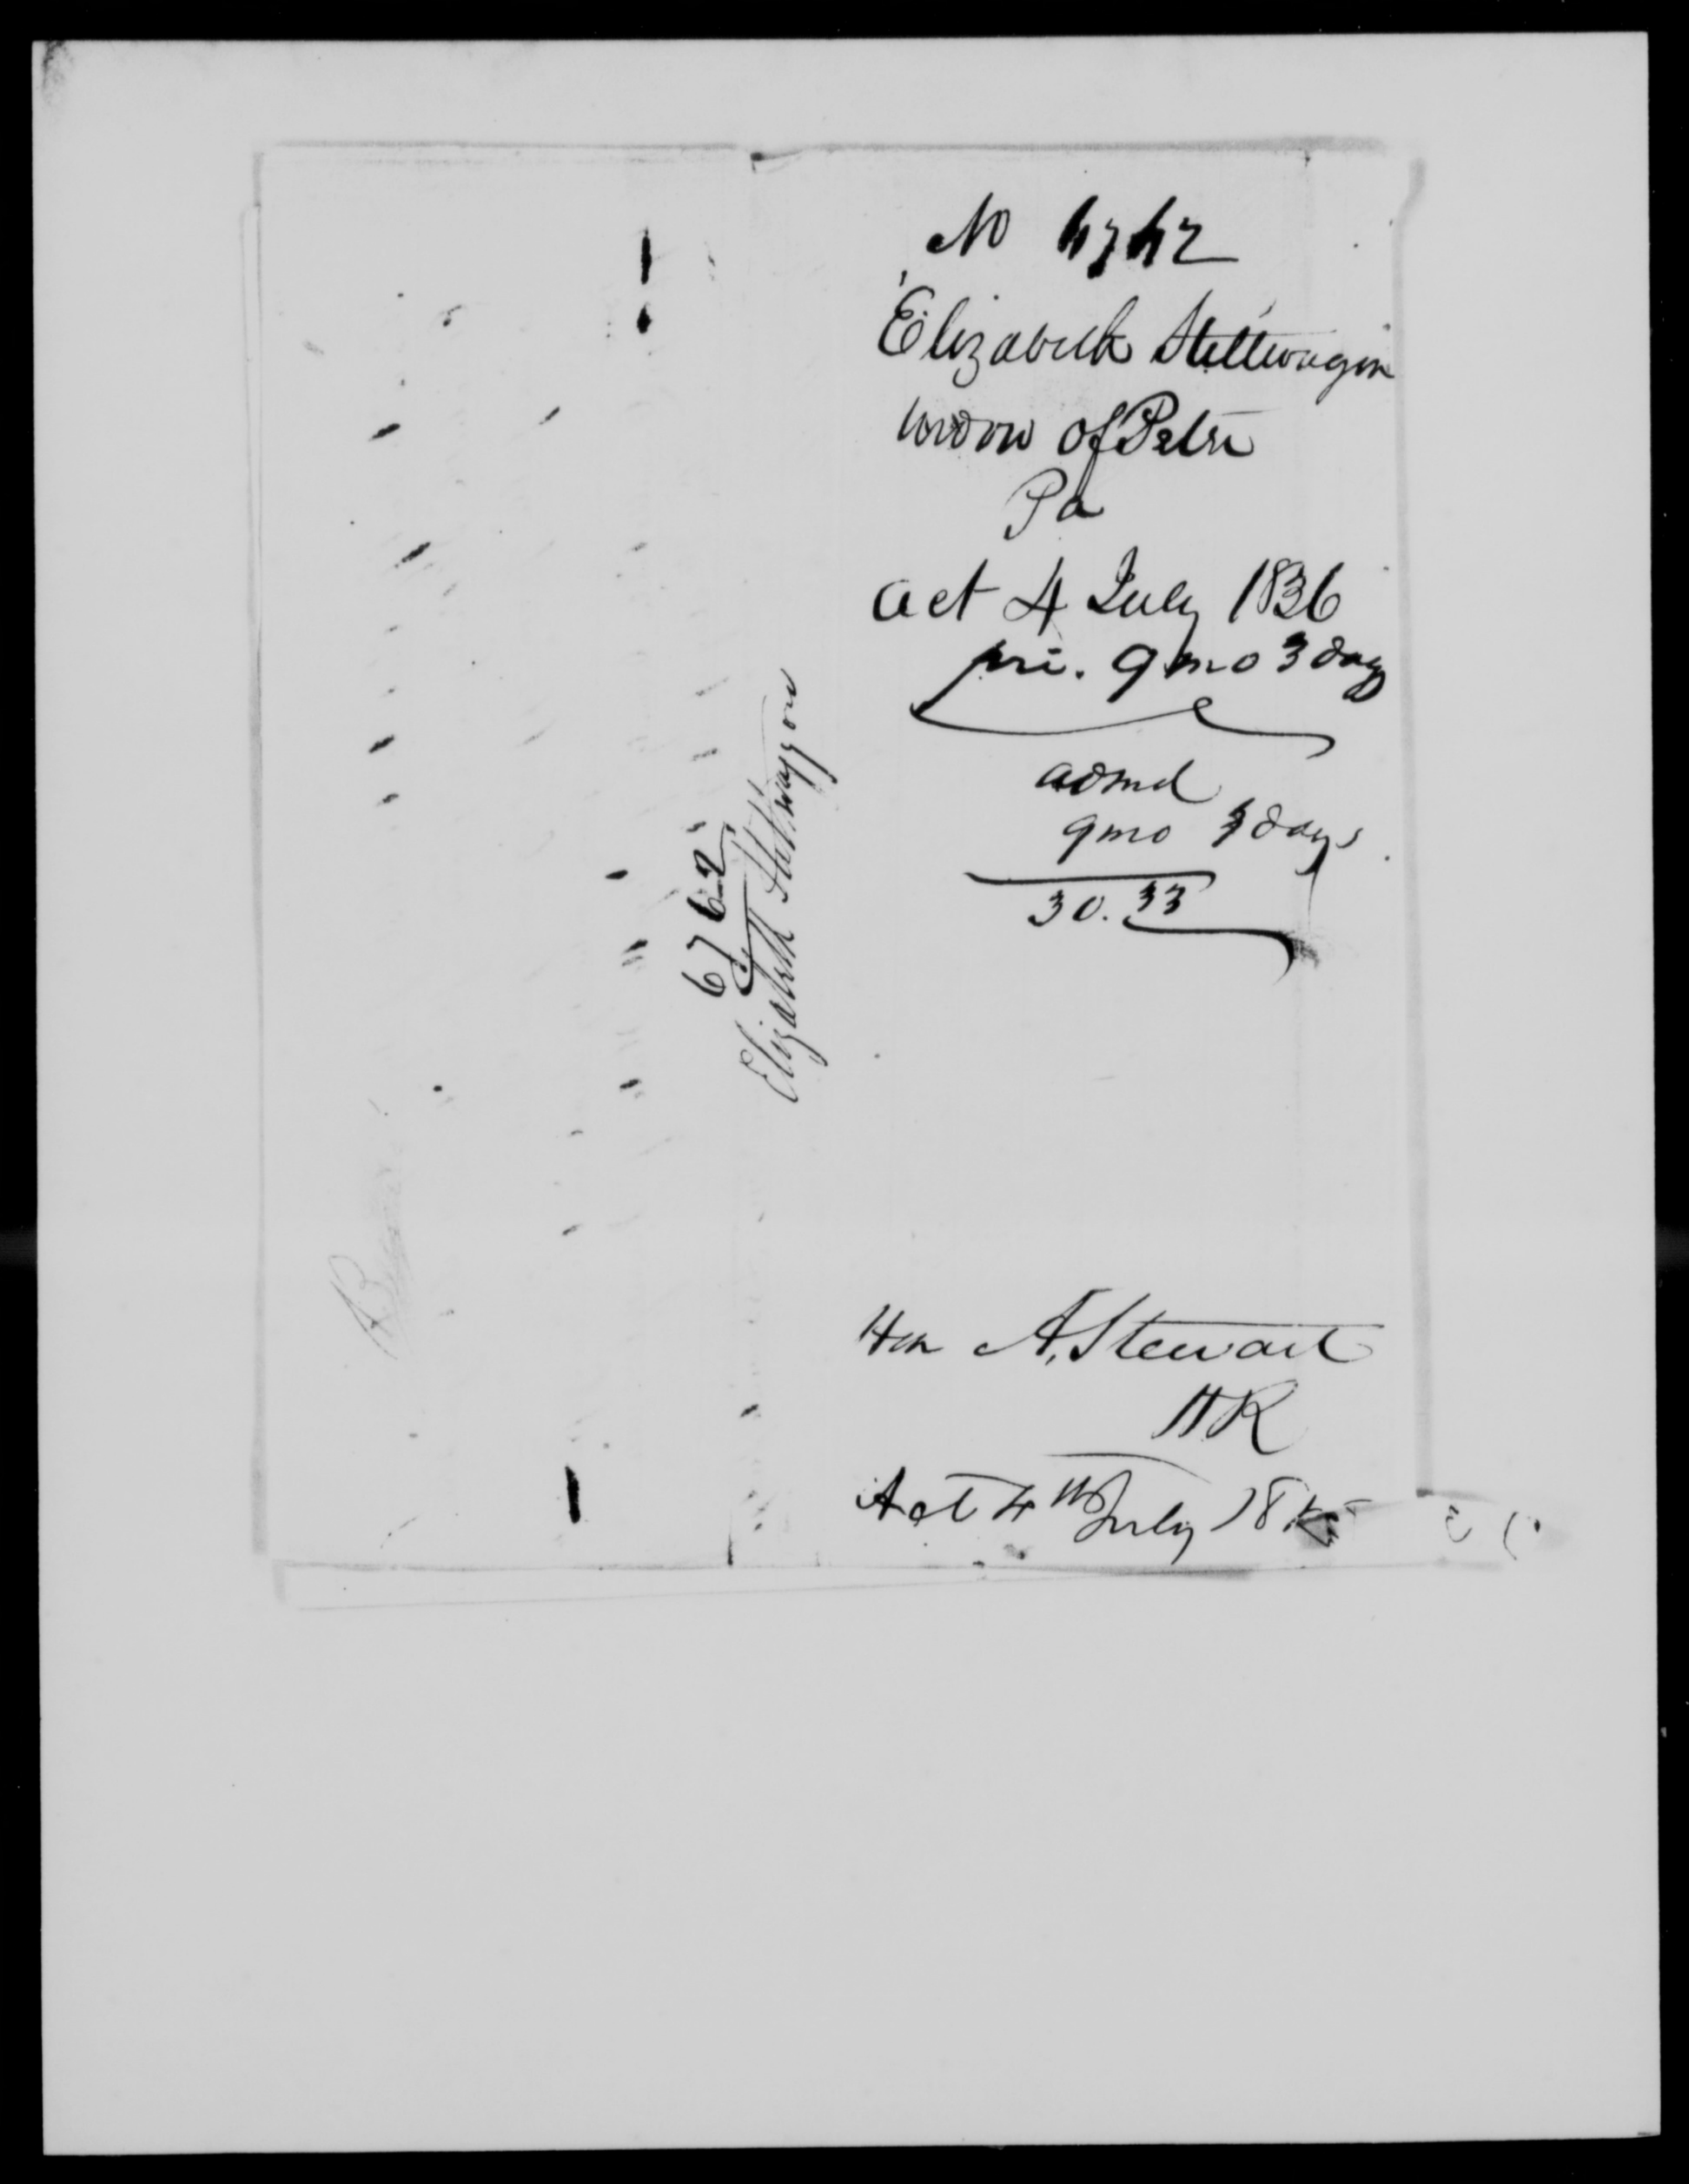No 6762
Elizabeth Stillwagon
Widow of Peter
Pa
Act 4 July 1836
Pri. 9 mo 3 day
[illegible]
9 mo 3 days
30.33
[vertical writing]
6762
Elizabeth Stillwagon
[vertical writing]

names: Elizabeth Stillwaggon; Elizabeth Stillwagon; Peter [BLANK]; A Stewart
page: 59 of 73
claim: widow's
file: W. 3197, for Peter Stillwagon, New Jersey